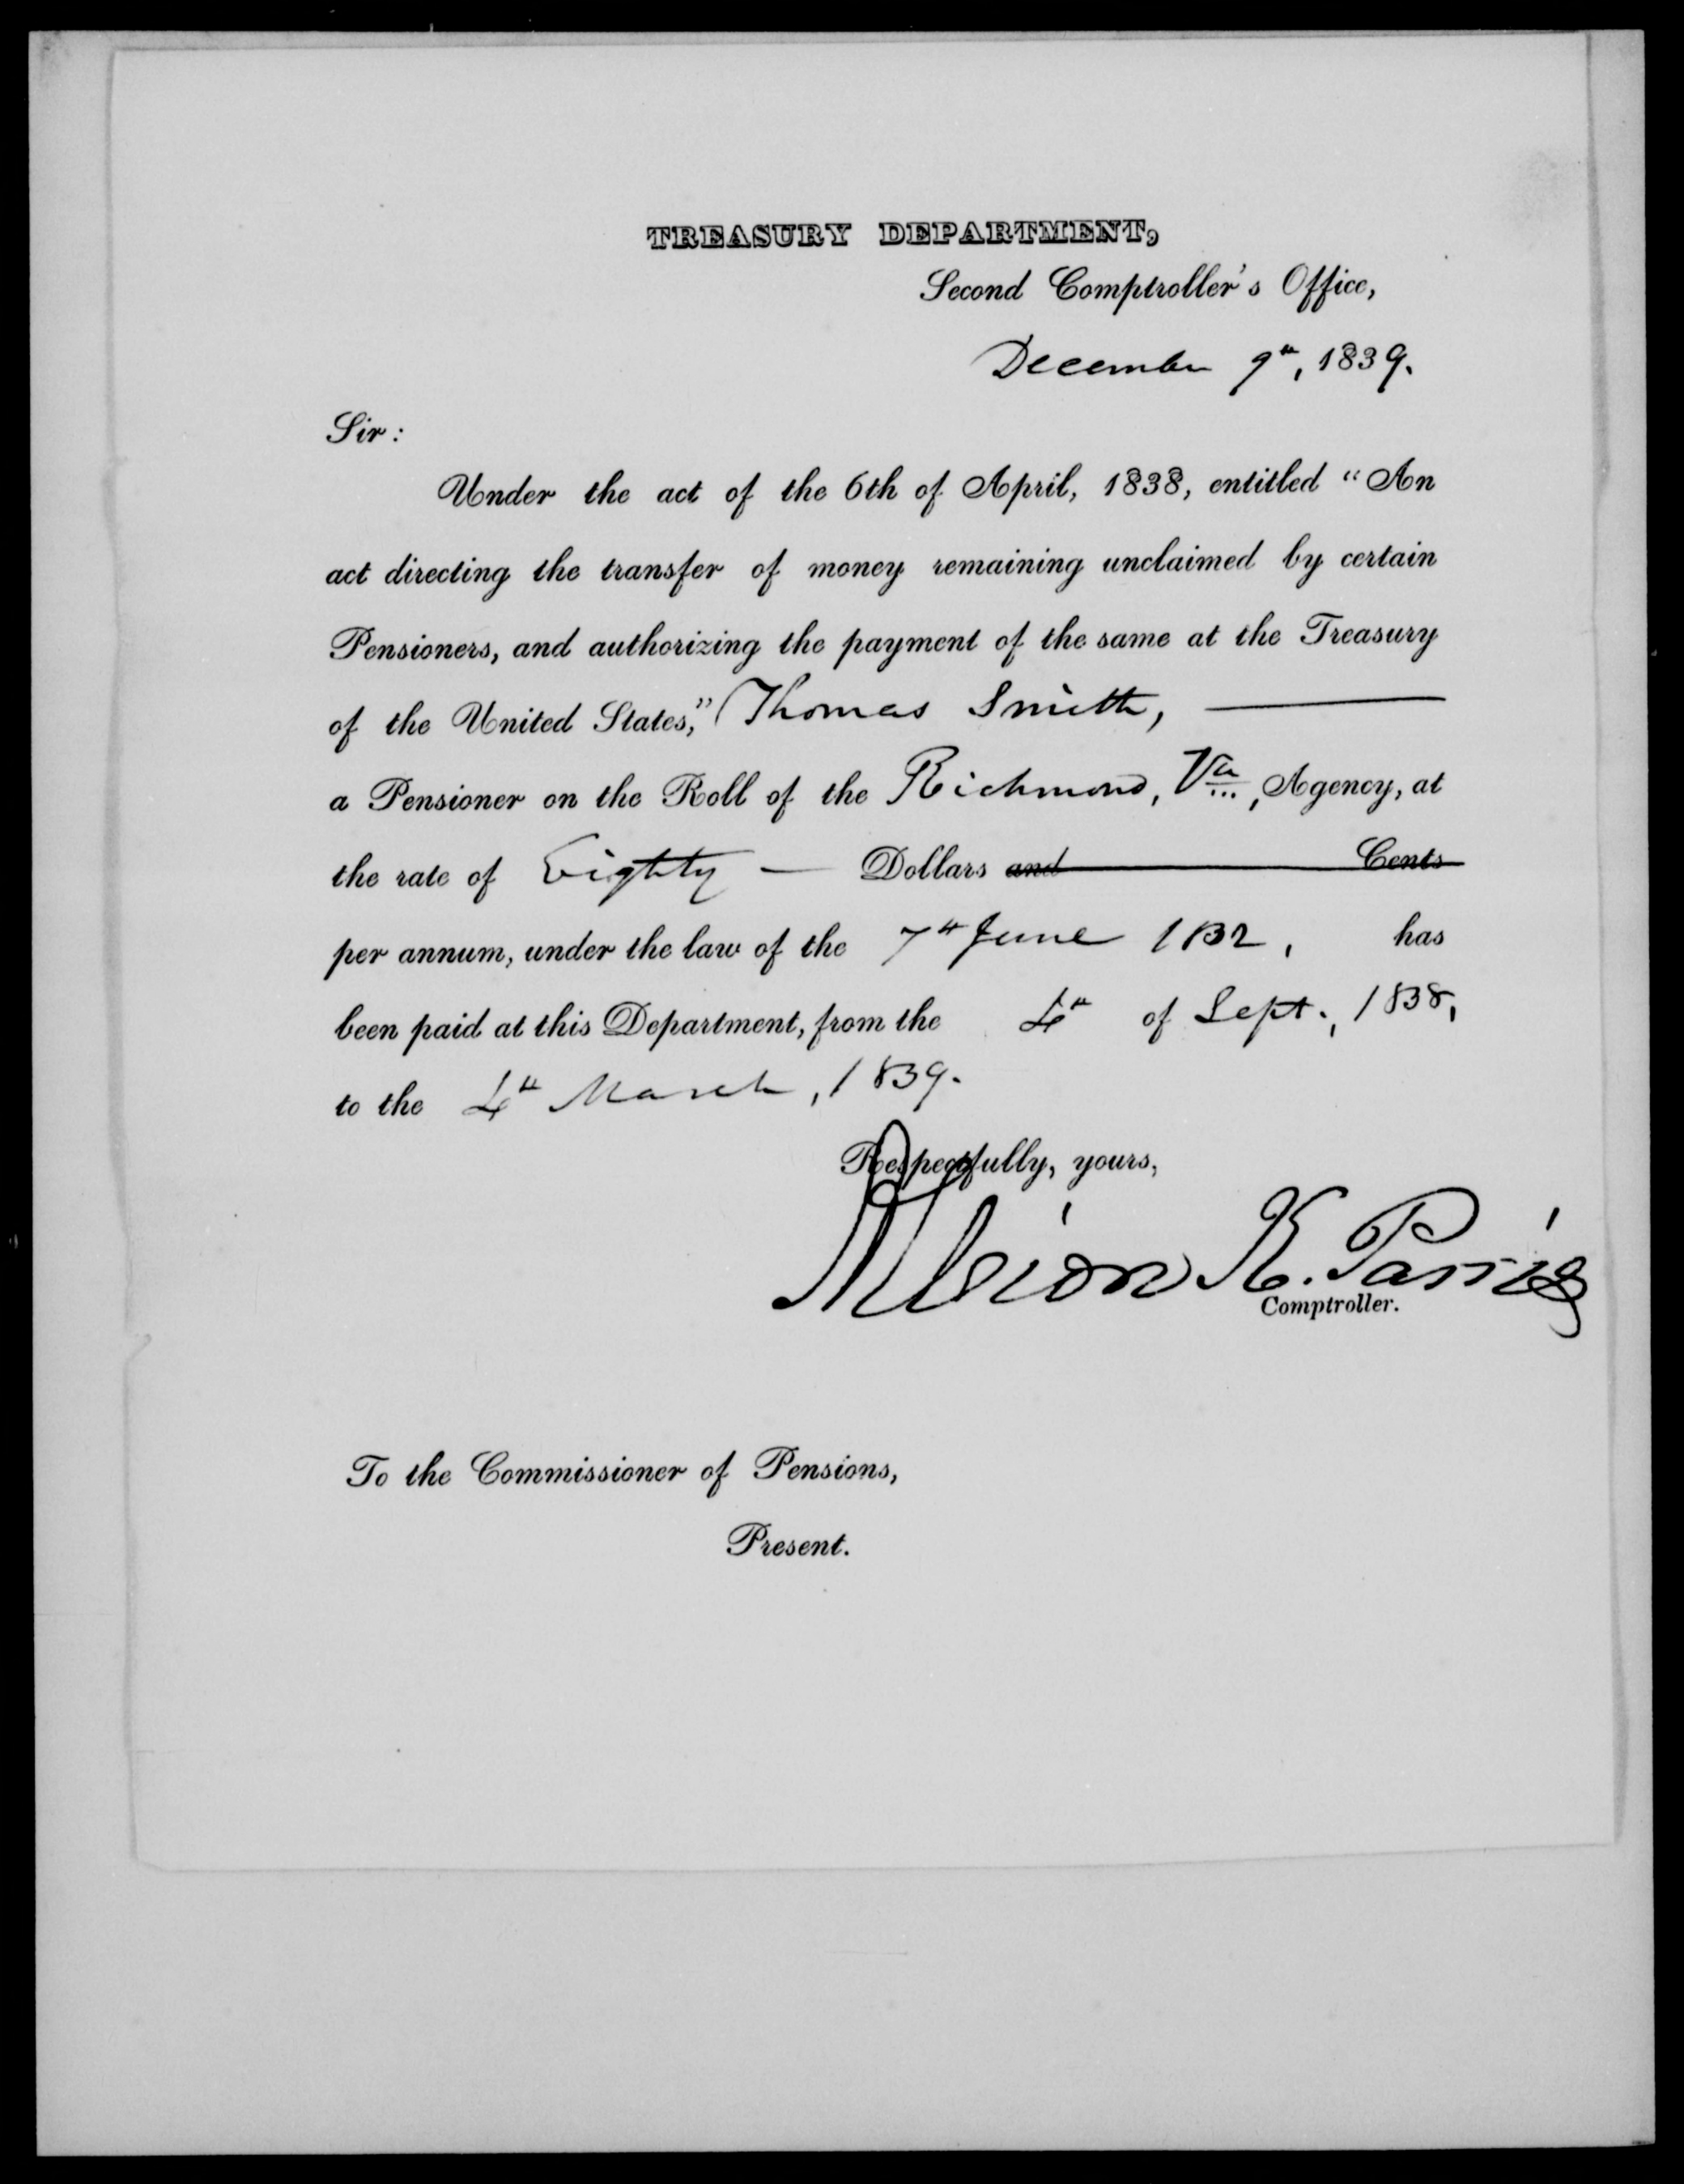TREASURY DEPARTMENT.
Second Comptroller's Office,
December 7th, 1839.

Sir:
Under the act of the 6th of April, 1838 entitled "An act directing the transfer of money remaining unclaimed by certain Pensioners, and authorizing the payment of the same at the Treasury of the United States," Thomas Smith, - a Pensioner on the Roll of the Richmond, Va., Agency, at the rate of Eighty - Dollars per annum, under the law of the 7th June, 1832, has been paid at this Department from the 4th of Sept., 1838, to the 4th March, 1839.
Respectfully, yours,
Albion K. Parris
Comptroller.

To the Commissioner of Pensions,
Present.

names: Thomas Smith; Albion K Parris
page: 16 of 23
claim: survivor's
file: S. 6,125, for Thomas Smith, Virginia